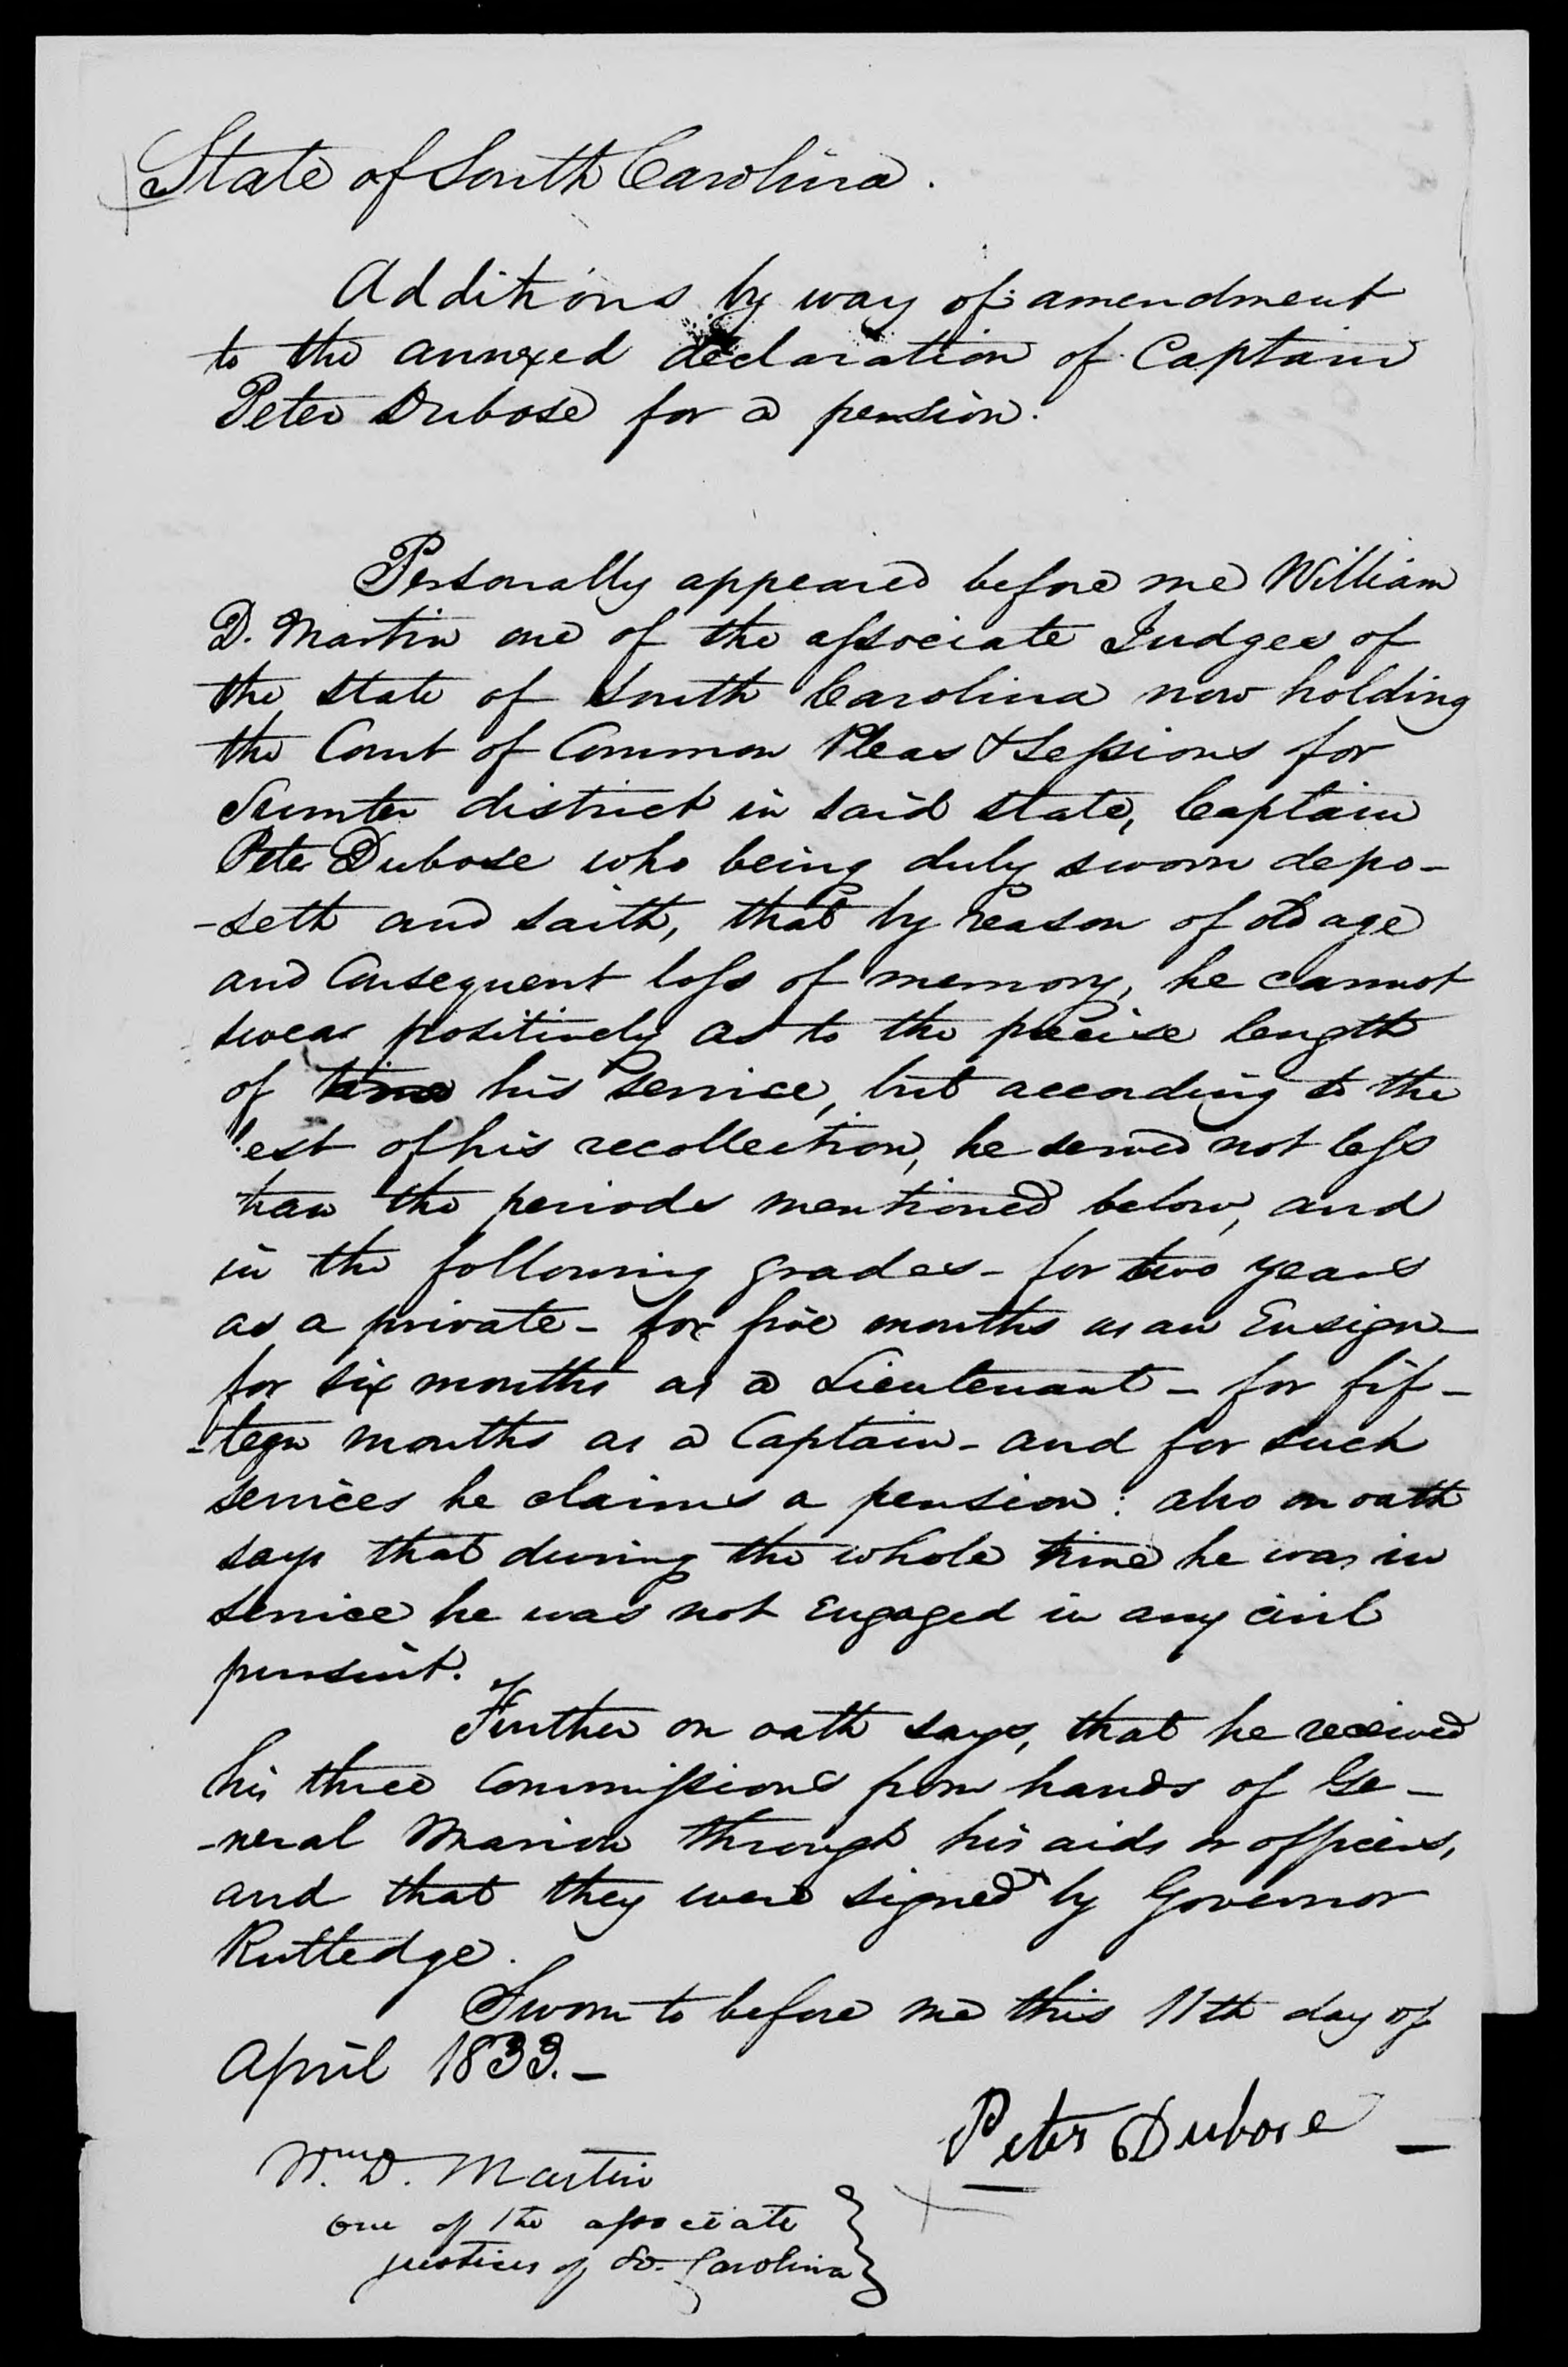State of South Carolina  Additions by way of amendment to the annexed declaration of captain Peter Dubose  for a pension .   Personally appeared before me  William D. Martin  one of the  associate Judges of the State of South Carolina  now holding the Court of Common Pleas & Sessions for  Sumter District in said State  , Captain Peter Dubose who being duly sworn  deposeth and saith, that by reason of old age and consequent loss of memory he cannot swear positively to the precise length of  time of his service , but according to the best of his recollection he served not less than the periods mentioned below, and in the following grades - for two years  as a private - for five months as an Ensign - for six months as a Lieutenant - for  fifteen months as a Captain  - and for such services he claims a pension , also on oath says that during  the whole time he was in service he was not engaged in any civil pursuit. Further on oath says , that he received his three commissions from hands of General Marion  through his aids or officers and that they were signed by Governor Rutledge. Sworn to before me this 11th day of April 1833. Peter Dubose ( signed ) Wm. D. Martin ( signed ) one of the associate Justices of So. Carolina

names: Marion, Wm D Martin, Rutledge, Peter Dubose, Peter Dubose, Peter Dubose, William D Martin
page: 17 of 43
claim: survivor's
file: S. 21163, Peter Dubose, S.C.